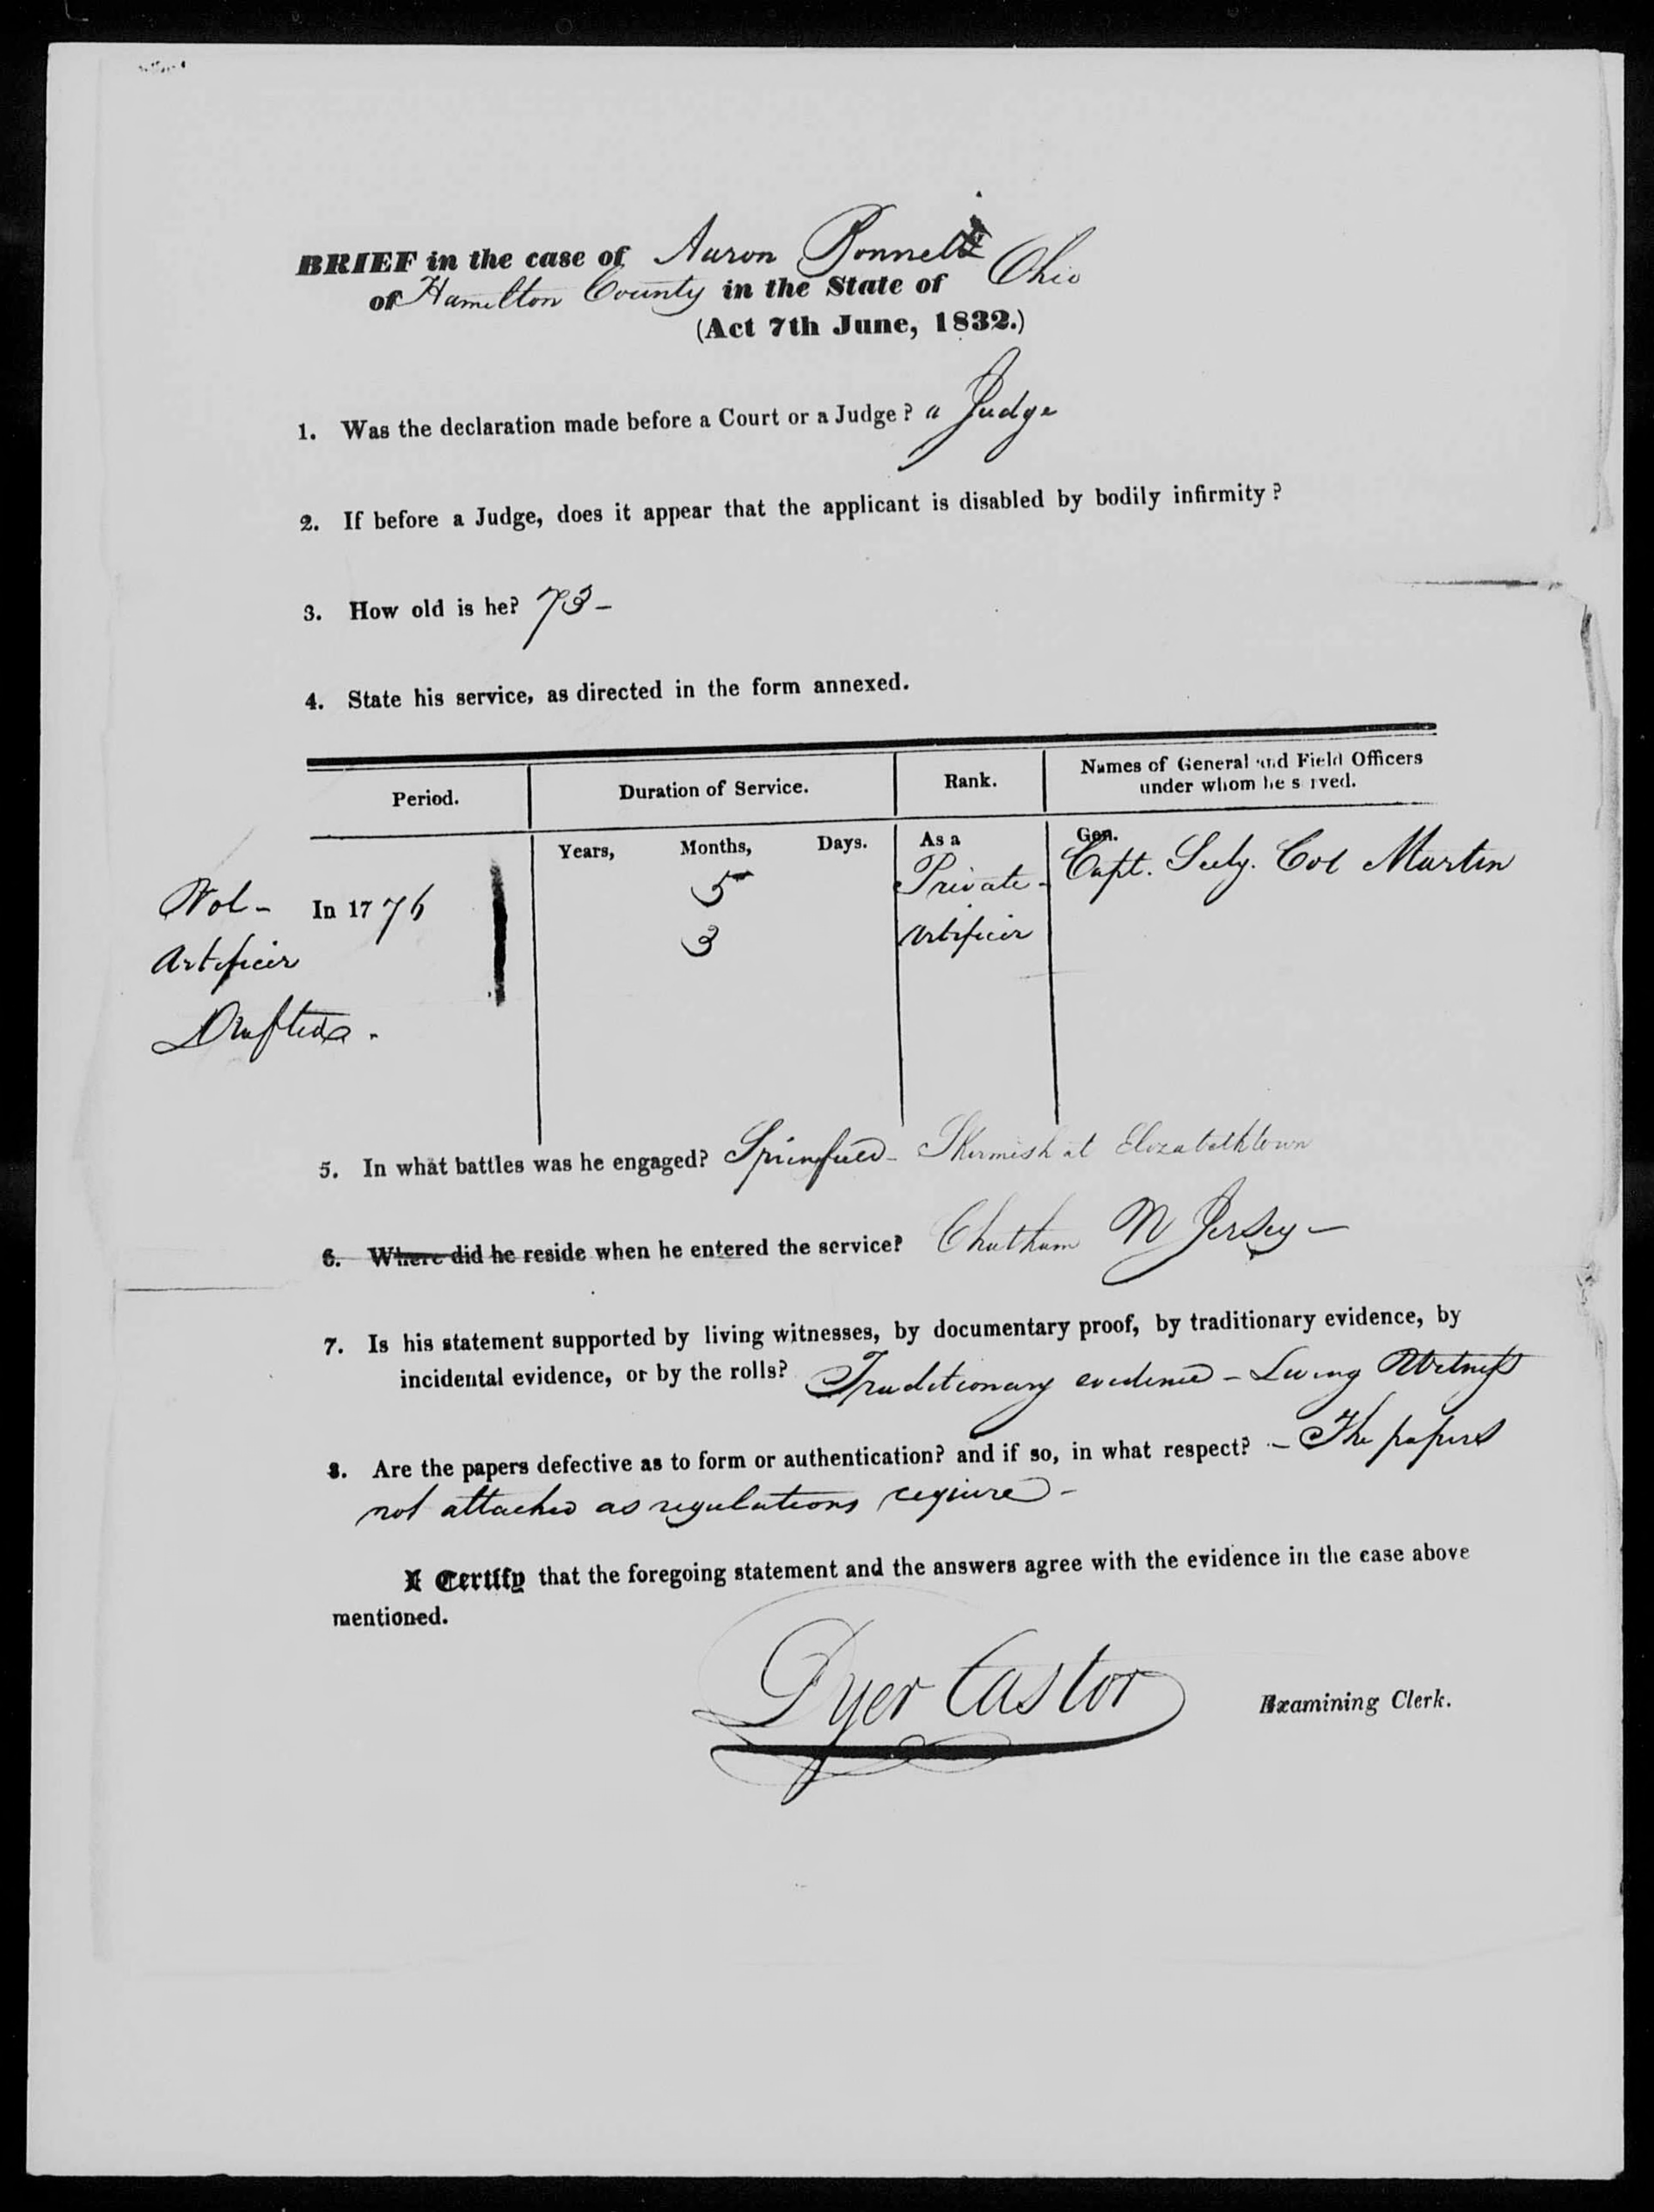Brief in the case of Aaron Bonnel
of Hamilton County in the State of Ohio
(Act 7th June, 1832)

1.  Was the declaration made before a Court or a Judge?  a Judge
2.  If before a Judge, does it appear that the applicant is disabled by bodily infirmity?
3  How old is he?  73
4.  State his service, as directed in the form annexed.
Period. | Duration of Service | Rank |
Names of General and Field officers under whom he served.
Years, Months, Days | as a | Gen.
Vol. -In 1776 | 5 months | Private | Capt Seely, Col. Martin
Artificer | 3 months | artificer
Drafted

5.  In what battles was he engaged?  Springfield, Skirmish at Elizabethtown
6.  Where did he reside when he entered the service?  Chatham N. Jersey
7.  Is his statement supported by living witnesses, by documentary proof, by traditionary evidence, by incidental evidence, or by the rolls?  Traditionary evidence - Living witness
8.  Are the papers defective as to form or authentication?  and if so, in what respect?  The papers not attached as regulations require
I certify that the foregoing statement and the answers agree with the evidence in the case above mentioned.

Dyer Castor Examining Clerk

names: Martin, Seely, Dyer Castor, Aaron Bonnel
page: 8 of 67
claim: rejected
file: R. 1009, Aaron Bonnel, New Jersey